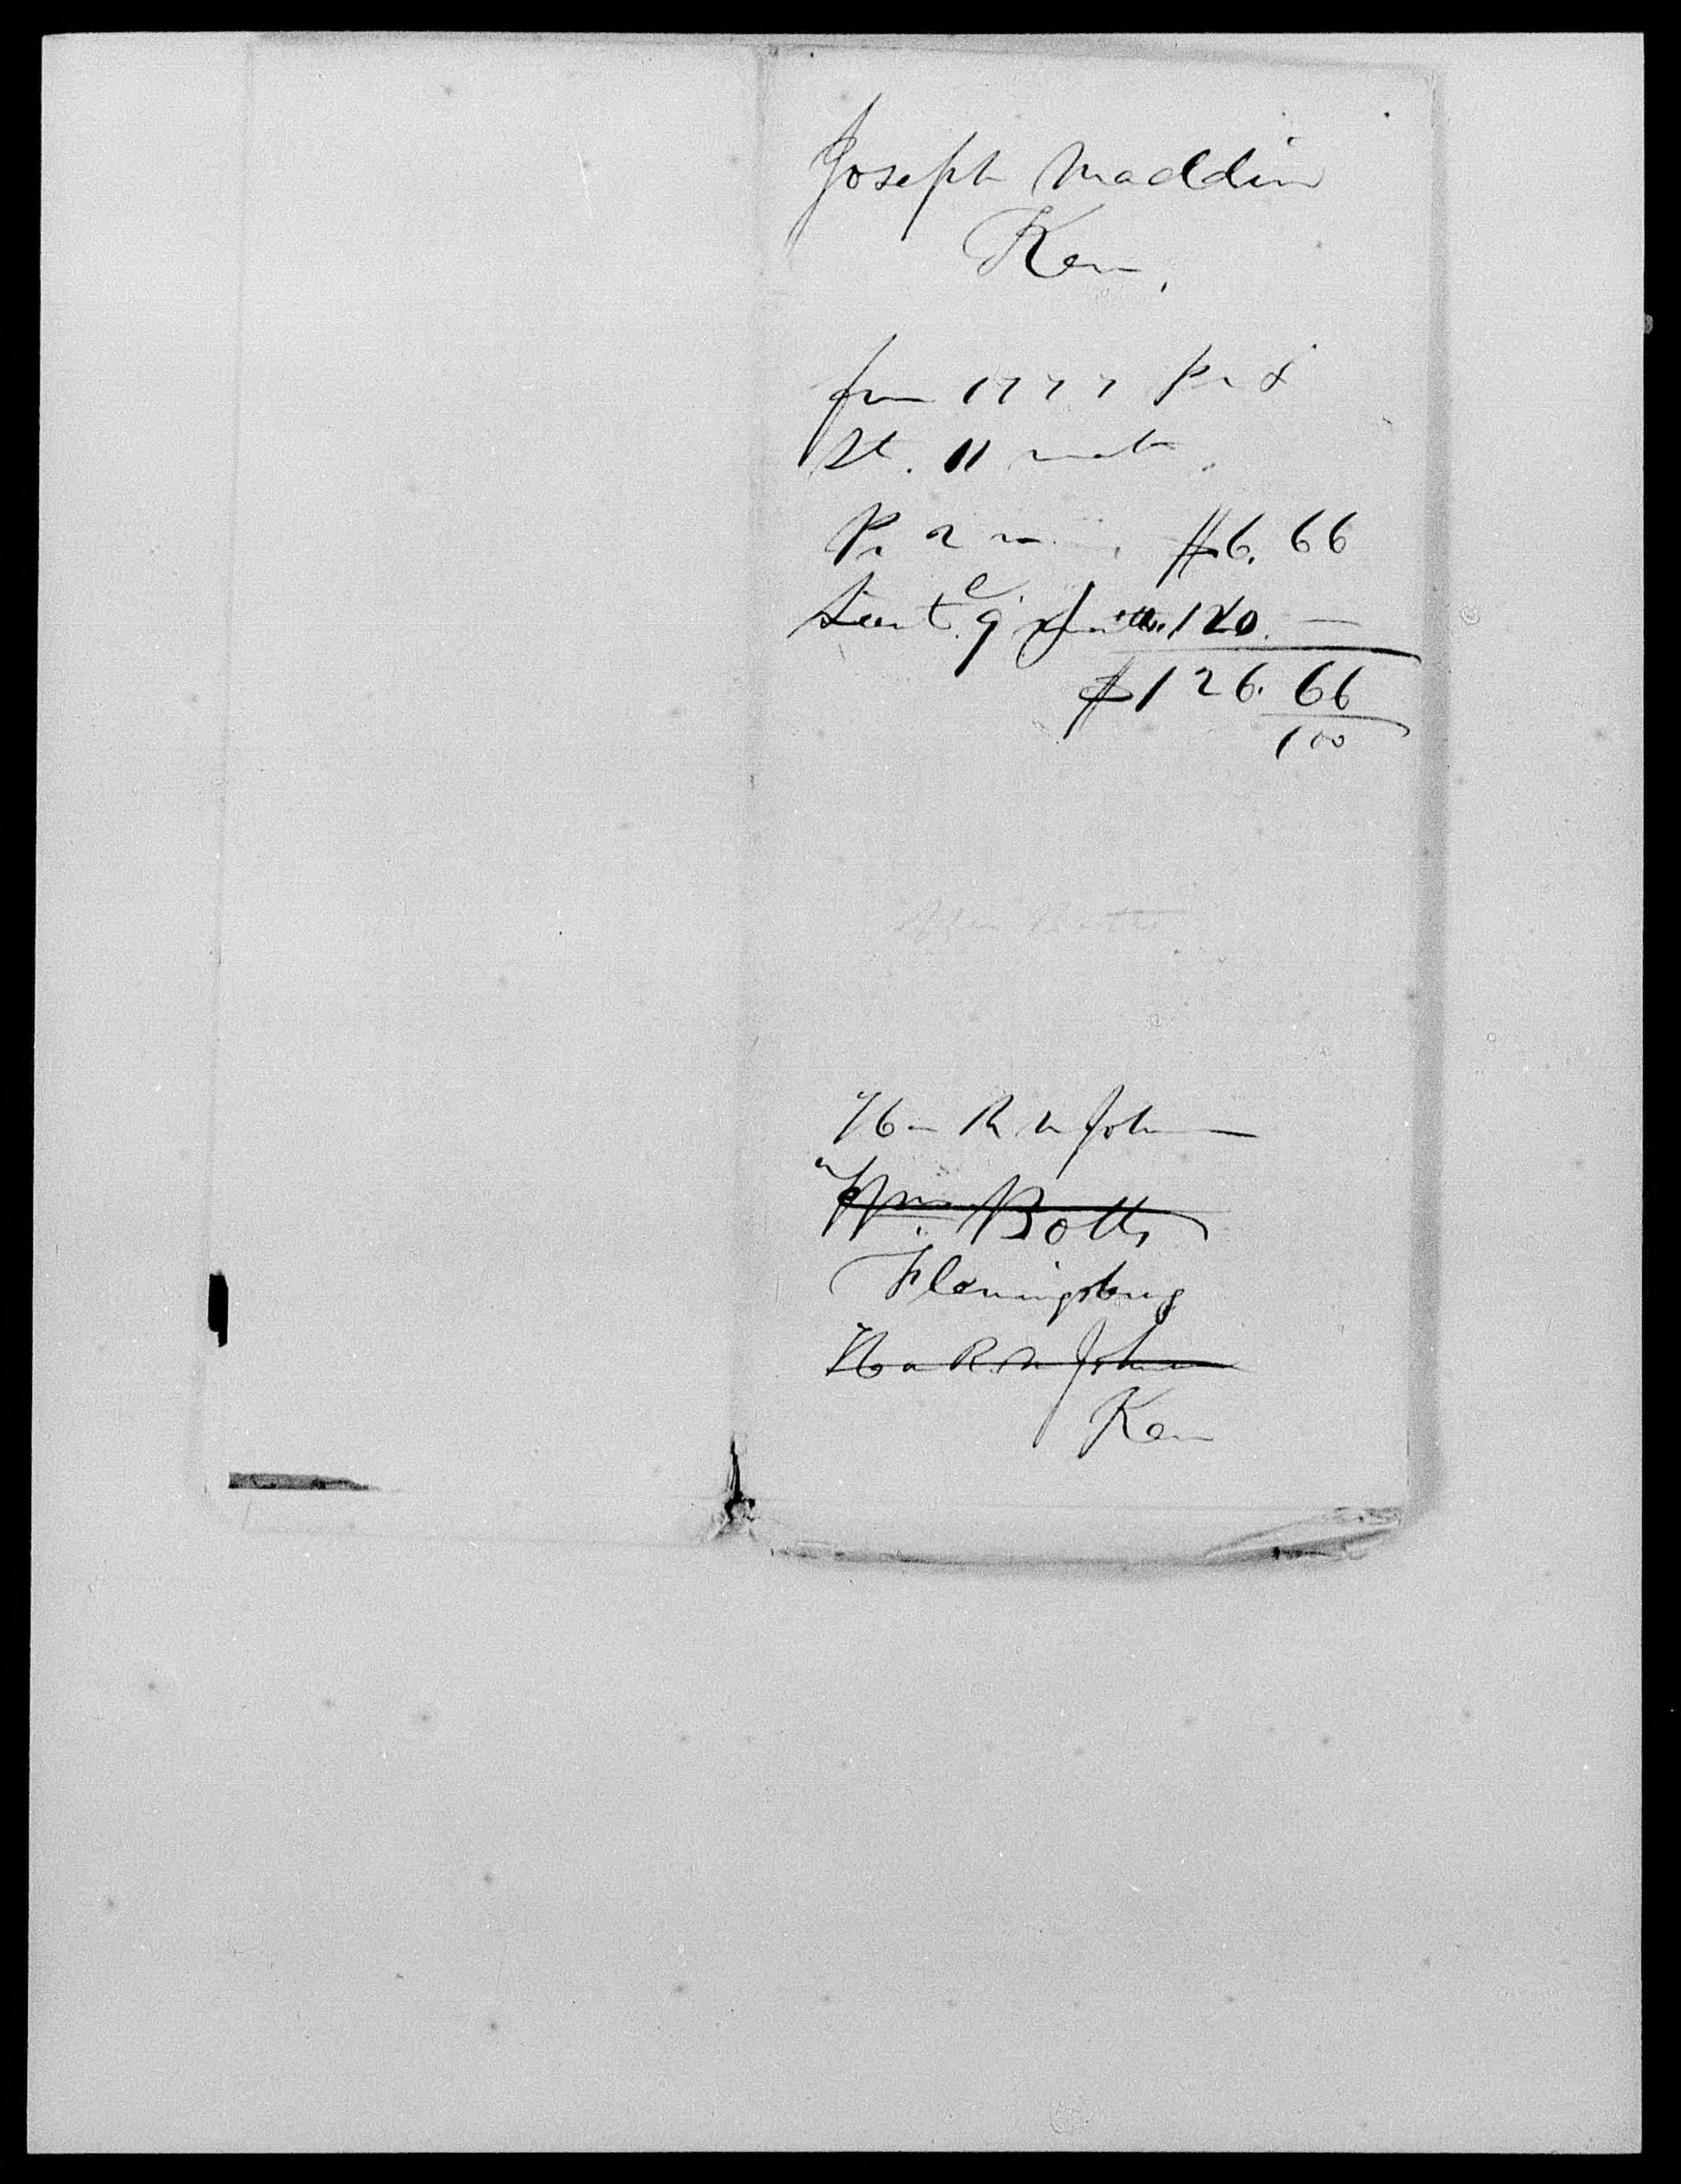Joseph Maddin
Ken.
for 1777 pension
St 11 March
pension $6.66
46.66
[illegible]
120.00
$126.66
-
100


N - R n John

[illegible] Botts
Flemming
N a Rn John
Ken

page: 7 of 14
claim: survivor's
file: S 31237, for Joseph Maddin, Maryland